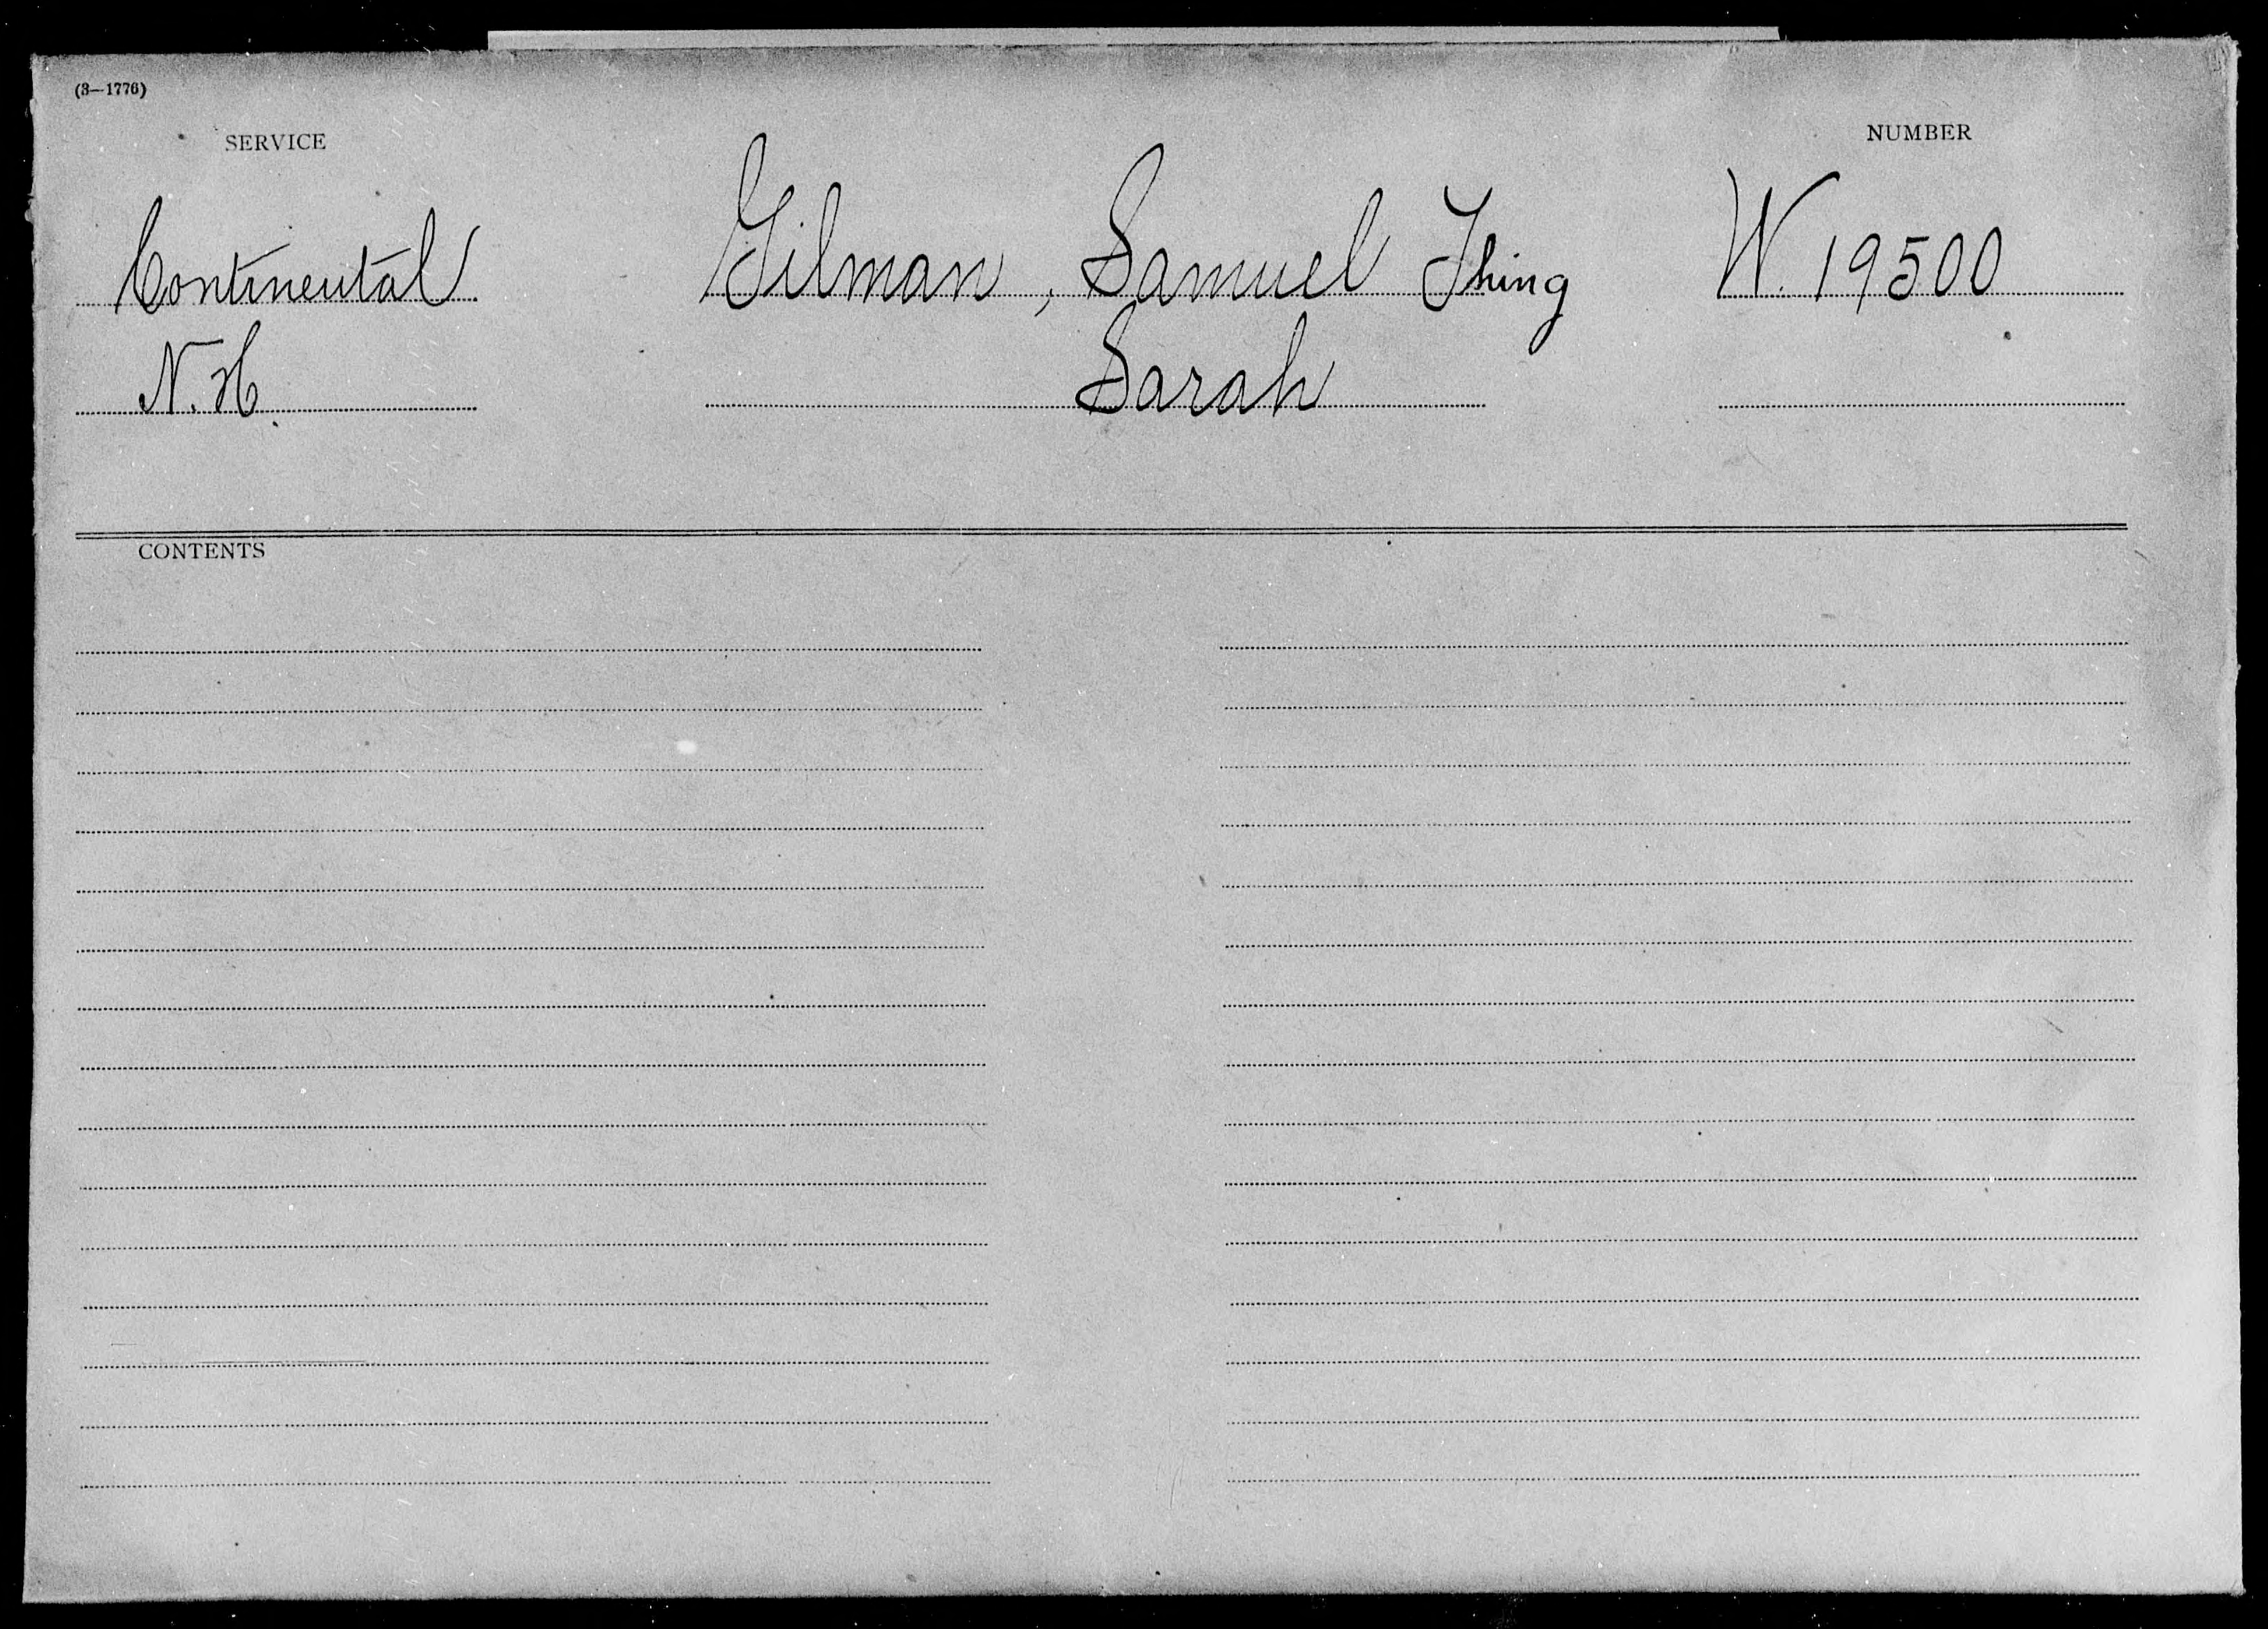Continental
N. H.

Gilman, Samuel Thing
Sarah

W.19500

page: 1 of 61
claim: widow's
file: W. 19500, Samuel Thing Gilman, Continental N.H.